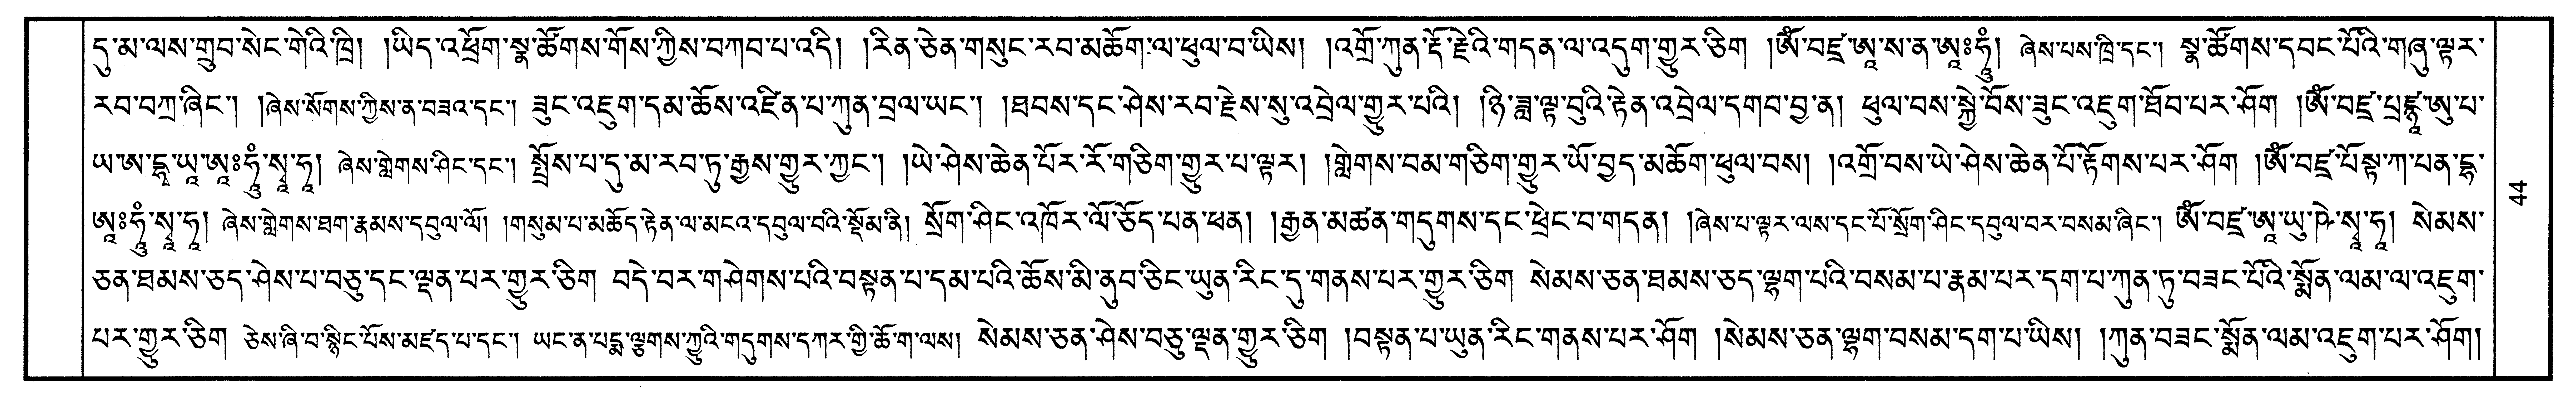དུ་མ་ལས་གྲུབ་སེང་གེའི་ཁྲི། །ཡིད་འཕྲོག་སྣ་ཚོགས་གོས་ཀྱིས་བཀབ་པ་འདི། །རིན་ཅེན་གསུང་རབ་མཆོག་ལ་ཕུལ་བ་ཡིས། །འགྲོ་ཀུན་རྡོ་རྗེའི་གདན་ལ་འདུག་གྱུར་ཅིག །ཨོཾ་བཛྲ་ཨཱ་ས་ན་ཨཱཿ ཧཱུཾ། ཞེས་པས་ཁྲི་དང་། སྣ་ཚོགས་དབང་པོའི་གཞུ་ལྟར་
རབ་བཀྲ་ཞིང་། །ཞེས་སོགས་ཀྱིས་ན་བཟའ་དང་། ཟུང་འཇུག་དམ་ཆོས་འཛིན་པ་ཀུན་བྲལ་ཡང་། །ཐབས་དང་ཤེས་རབ་རྗེས་སུ་འབྲེལ་གྱུར་པའི། །ཉི་ཟླ་ལྟ་བུའི་རྟེན་འབྲེལ་དགབ་བྱ་ན། ཕུལ་བས་སྐྱེ་བོས་ཟུང་འཇུག་ཐོབ་པར་ཤོག །ཨོཾ་བཛྲ་པྲཛྙཱ་ཨུ་པ་
ཡ་ཨ་དྷྭ་ཡཱ་ཨཱཿ ཧཱུཾ་སྭཱ་ཧཱ། ཞེས་གླེགས་ཤིང་དང་། སྤྲོས་པ་དུ་མ་རབ་ཏུ་རྒྱས་གྱུར་ཀྱང་། །ཡེ་ཤེས་ཆེན་པོར་རོ་གཅིག་གྱུར་པ་ལྟར། །གླེགས་བམ་གཅིག་གྱུར་ཡོ་བྱད་མཆོག་ཕུལ་བས། །འགྲོ་བས་ཡེ་ཤེས་ཆེན་པོ་རྟོགས་པར་ཤོག །ཨོཾ་བཛྲ་པོསྟ་ཀ་པཎ་དྷ་
ཨཱཿ ཧཱུཾ་སྭཱ་ཧཱ། ཞེས་གླེགས་ཐག་རྣམས་དབུལ་ལོ། །གསུམ་པ་མཆོད་རྟེན་ལ་མངའ་དབུལ་བའི་སྡོམ་ནི། སྲོག་ཤིང་འཁོར་ལོ་ཅོད་པན་ཕན། །རྒྱན་མཚན་གདུགས་དང་ཕྲེང་བ་གདན། །ཞེས་པ་ལྟར་ལས་དང་པོ་སྲོག་ཤིང་དབུལ་བར་བསམ་ཞིང་། ཨོཾ་བཛྲ་ཨཱ་ཡུ་ཥེ་སྭཱ་ཧཱ། སེམས་
ཅན་ཐམས་ཅད་ཤེས་པ་བཅུ་དང་ལྡན་པར་གྱུར་ཅིག །བདེ་བར་གཤེགས་པའི་བསྟན་པ་དམ་པའི་ཆོས་མི་ནུབ་ཅིང་ཡུན་རིང་དུ་གནས་པར་གྱུར་ཅིག། སེམས་ཅན་ཐམས་ཅད་ལྷག་པའི་བསམ་པ་རྣམ་པར་དག་པ་ཀུན་ཏུ་བཟང་པོའི་སྨོན་ལམ་ལ་འཇུག་
པར་གྱུར་ཅིག །ཅེས་ཞི་བ་སྙིང་པོས་མཛད་པ་དང་། ཡང་ན་པདམ་ལྕགས་ཀྱུའི་གདུགས་དཀར་གྱི་ཆོ་ག་ལས། སེམས་ཅན་ཤེས་བཅུ་ལྡན་གྱུར་ཅིག །བསྟན་པ་ཡུན་རིང་གནས་པར་ཤོག །སེམས་ཅན་ལྷག་བསམ་དག་པ་ཡིས། །ཀུན་བཟང་སྨོན་ལམ་འཇུག་པར་ཤོག།